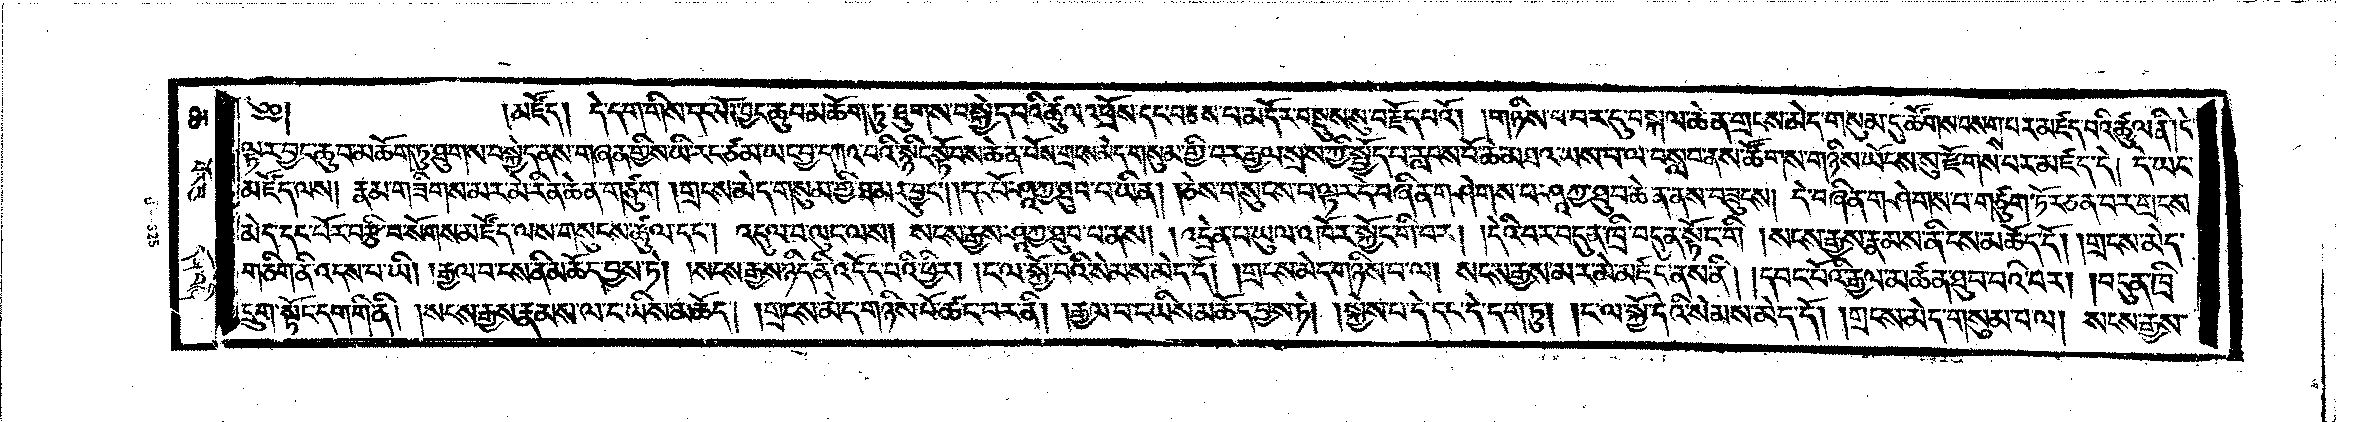༄༅། །མཛོད། དེ་དག་གིས་དང་པོར་བྱང་ཆུབ་མཆོག་ཏུ་ཐུགས་བསྐྱེད་པའི་ཚུལ་འཕྲོས་དང་བཅས་པ་མདོར་བསྡུས་སུ་བརྗོད་པའོ། །གཉིས་པ་བར་དུ་བསྐལ་ཆེན་གྲངས་མེད་གསུམ་དུ་ཚོགས་བསགས་པར་མཛད་པའི་ཚུལ་ནི། དེ་
ལྟར་བྱང་ཆུབ་མཆོག་ཏུ་ཐུགས་བསྐྱེད་ནས་གཞན་གྱིས་ཡི་རང་ཙམ་ཡང་བྱ་དཀའ་པའི་སྙིང་སྟོབས་ཆེན་པོས་གྲངས་མེད་གསུམ་གྱི་བར་རྒྱལ་སྲས་ཀྱི་སྤྱོད་པ་རླབས་པོ་ཆེ་མཐའ་ཡས་པ་ལ་བསླབ་ནས་ཚོགས་གཉིས་ཡོངས་སུ་རྫོགས་པར་མཛད་དེ། དེ་ཡང་
མཛོད་ལས། རྣམ་གཟིགས་མར་མེ་རིན་ཆེན་གཙུག། །གྲངས་མེད་གསུམ་གྱི་ཐ་མར་བྱུང་། །དང་པོ་ཤཱཀྱ་ཐུབ་པ་ཡིན། །ཅེས་གསུངས་པ་ལྟར་དེ་བཞིན་གཤེགས་པ་ཤཱཀྱ་ཐུབ་ཆེན་ནས་བཟུངས། དེ་བཞིན་གཤེགས་པ་གཙུག་ཏོར་ཅན་བར་གྲངས་
མེད་དང་པོར་བརྩི་བ་སོགས་མཛོད་ལས་གསུངས་ཚུལ་དང་། འདུལ་བ་ལུང་ལས། སངས་རྒྱས་ཤཱཀྱ་ཐུབ་པ་ནས། །འདྲེན་པ་ཡུལ་འཁོར་སྐྱོང་གི་བར། །དེའི་བར་བདུན་ཁྲི་བདུ་སྟོང་གི །སངས་རྒྱས་རྣམས་ནི་ངས་མཆོད་དོ། །གྲངས་མེད་
གཅིག་ནི་འདས་པ་ཡི། །རྒྱལ་བ་ངས་ནི་མཆོད་བྱས་ཏེ། །སངས་རྒྱས་ཉིད་ནི་འདོད་པའི་ཕྱིར། །ང་ལ་སྐྱོ་བའི་སེམས་མེད་དོ། །གྲངས་མེད་གཉིས་པ་ལ། སངས་རྒྱས་མར་མེ་མཛད་ནས་ནི། །དབང་པོའི་རྒྱལ་མཚན་ཐུབ་པའི་བར། །བདུན་ཁྲི་
དྲུག་སྟོང་དག་གི་ནི། །སངས་རྒྱས་རྣམས་ལ་ང་ཡིས་མཆོད། །གྲངས་མེད་གཉིས་པོ་ཚང་བར་ནི། །རྒྱལ་བ་ང་ཡིས་མཆོད་བྱས་ཏེ། །སྐྱེས་པ་དེ་དང་དེ་དག་ཏུ། །ང་ལ་སྐྱོ་དེའི་སེམས་མེད་དོ། །གྲངས་མེད་གསུམ་པ་ལ། སངས་རྒྱས་